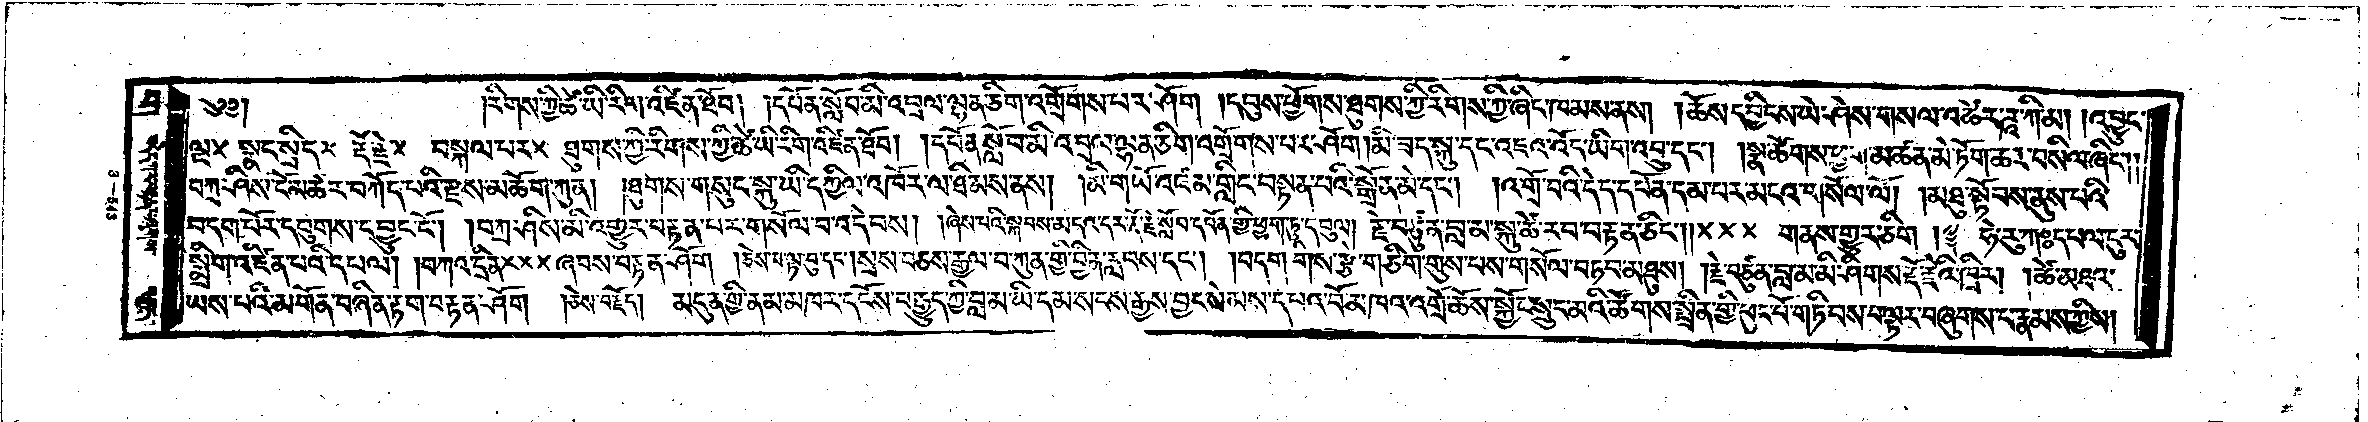༄༅། །རིགས་ཀྱི་ཚེ་ཡི་རིག་འཛིན་ཐོབ། །དཔོན་སློབ་མི་འབྲལ་ལྷན་ཅིག་འགྲོགས་པར་ཤོག །དབུས་ཕྱོགས་ཐུགས་ཀྱི་རིགས་ཀྱི་ཞིང་ཁམས་ནས། །ཆོས་དབྱིངས་ཡེ་ཤེས་གསལ་འཚེར་ཌཱ་ཀི་མ། །འབྱུང་
ལྔ་྾་སྣང་སྲིད་྾་རྡོ་རྗེ་྾་བསྐལ་པར་྾་ཐུགས་ཀྱི་རིགས་ཀྱི་ཚེ་ཡི་རིག་འཛིན་ཐོབ། །དཔོན་སློབ་མི་འབྲལ་ལྷན་ཅིག་འགྲོགས་པར་ཤོག །མི་ཟད་སྐུ་དང་འཇའ་འོད་ཡིག་འབྲུ་དང་། །སྣ་ཚོགས་ཕྱག་མཚན་མེ་ཏོག་ཆར་བསིལ་ཞིང།།
བཀྲ་ཤིས་ངོ་མཚར་བཀོད་པའི་རྫས་མཆོག་ཀུན། །ཐུགས་གསུང་སྐུ་ཡི་དཀྱིལ་འཁོར་ལ་ཐིམས་ནས། །མི་གཡོ་འཛམ་གླིང་བསྟན་པའི་སྒྲོན་མེ་དང་། །འགྲོ་བའི་དེད་དཔོན་དམ་པར་མངའ་གསོལ་ལོ། །མཐུ་སྟོབས་ནུས་པའི་
བདག་པོར་དབུགས་དབྱུང་ངོ། །བཀྲ་ཤིས་མི་འགྱུར་བརྟན་པར་གསོལ་བ་འདེབས། །ཞེས་པའི་སྐབས་མདའ་དར་རྡོ་རྗེ་སློབ་དཔོན་གྱི་ཕྱག་ཏུ་དབུལ།  རྗེ་བཙུན་བླ་མ་སྐུ་ཚེ་རབ་བརྟན་ཅིང།། ྾྾྾་གནས་གྱུར་ཅིག །༈ ཧེ་རུ་ཀཿདཔལ་ངུར་
སྨྲིག་འཛིན་པའི་དཔལ། །བཀའ་དྲིན་྾྾྾་ཞབས་བརྟན་ཤོག །ཅེས་བལྟ་བུ་དང་། སྲས་བཅས་རྒྱལ་བ་ཀུན་གྱི་བྱིན་རླབས་དང་། །བདག་གིས་རྩེ་གཅིག་གུས་པས་གསོལ་བཏབ་མཐུས། །རྗེ་བཙུན་བླ་མ་མི་ཤིགས་རྡོ་རྗེའི་ཁྲིར། །ཚེ་མཐའ་
ཡས་པའི་མགོན་བཞིན་རྟག་བརྟན་ཤོག །ཅེས་བརྗོད། མདུན་གྱི་ནམ་མཁར་དངོས་བརྒྱུད་ཀྱི་བླ་མ་ཡི་དམ་སངས་རྒྱས་བྱང་སེམས་དཔའ་བོ་མཁའ་འགྲོ་ཆོས་སྐྱོང་སྲུང་མའི་ཚོགས་སྤྲིན་གྱི་ཕུང་པོ་གཏིབས་བ་ལྟར་བཞུགས་པ་རྣམས་ཀྱིས།